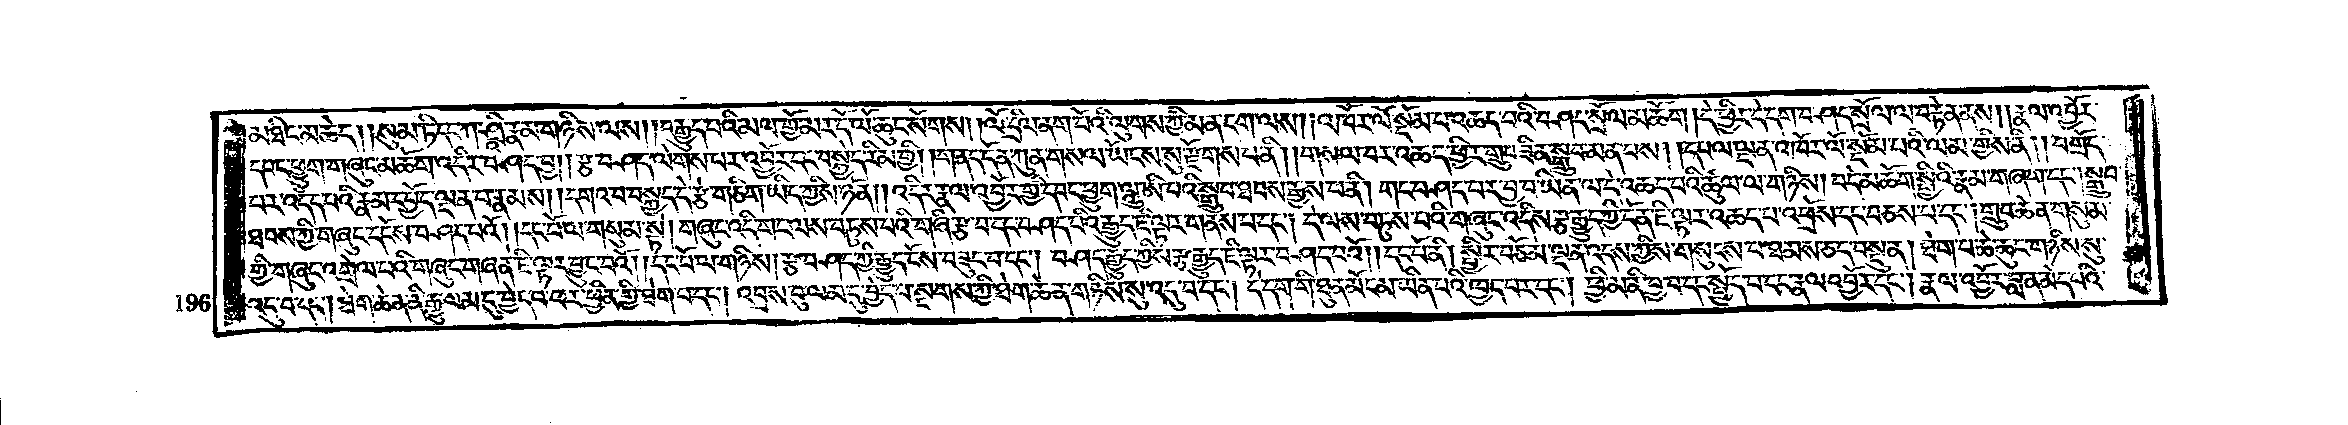མཐིང་མཆེད། །སུ་མ་ཏི་དང་ཀ་ཤྲཱི་རྣམ་གཉིས་ལས། །བརྒྱུད་པའི་མལ་གྱོ་མར་དོ་ལོ་ཆུང་སོགས། །ལོ་དྲིལ་ནག་པོའི་ལུགས་ཀྱི་མན་ངག་ལས། །འཁོར་ལོ་སྡོམ་པ་འཆད་པའི་བཤད་སྲོལ་མཆོག །དེ་ཕྱིར་དེ་དག་བཤད་སྲོལ་ལ་བརྟེན་ནས། །རྣལ་འབྱོར་
དབང་ཕྱུག་གཞུང་མཆེག་འདིར་བཤད་བྱ། །རྩ་བཤད་ལེགས་པར་འབྱོར་དང་བསྐྱེད་རིམ་གྱི། །གནད་དོན་ཀུན་གསལ་ཡོངས་སུ་རྫོགས་པ་ནི། །གསལ་བར་འཆད་ཕྱིར་གྲུབ་ཟིན་སྒྲུབ་མིན་པས། །དཔལ་ལྡན་འཁོར་ལོ་སྡོམ་པའི་ལམ་གྱིས་ནི། །བགྲོད་
པར་འདོད་པའི་རྣམ་དཔྱོད་ལྡན་པ་རྣམས། །དགའ་བ་བསྐྱད་དེ་རྩེ་གཅིག་ཡིད་ཀྱིས་ཉོན། །འདིར་རྣལ་འབྱོར་གྱི་དབང་ཕྱུག་ལཱུ་ཨི་པའི་སྒྲུབ་ཐབས་རྒྱས་པ་ནི། གང་བཤད་པར་བྱ་བ་ཡིན་ལ་དེ་འཆད་པའི་ཚུལ་ལ་གཉིས། བདེ་མཆོག་སྤྱིའི་རྣམ་གཞག་དང་། སྒྲུབ་
ཐབས་ཀྱི་གཞུང་བཤད་པའོ། །དང་པོ་ལ་གསུམ་སྟེ། གཞུང་འདི་གང་ལས་བཏུས་པའི་གཞི་རྩ་བ་དང་བཤད་པའི་རྒྱུད་ཇི་ལྟར་གནས་པ་དང་། དེ་ལས་བཏུས་པའི་གཞུང་འདིས་རྩ་རྒྱུད་ཀྱི་དོན་ཇི་ལྟར་འཆད་པ་འཕྲོས་དང་བཅས་པ་དང་། གྲུབ་ཆེན་གསུམ་
གྱི་གཞུང་འགྲེལ་པའི་གཞུང་གཞན་ཇི་ལྟར་བྱུང་བའོ། །དང་པོ་ལ་གཉིས། རྩ་བཤད་ཀྱི་རྒྱུད་ངོས་བཟུང་བ་དང་། བཤད་རྒྱུད་ཀྱིས་རྩ་རྒྱུད་ཇི་ལྟར་བཤད་པའོ། །དང་པོ་ནི། སྤྱིར་བཅོམ་ལྡན་འདས་ཀྱིས་གསུངས་པ་ཐམས་ཅད་བསྡུ་ན། ཐེག་པ་ཆེ་ཆུང་གཉིས་སུ་
འདུ་བ་དང་། ཐེག་ཆེན་ནི་རྒྱུ་ལམ་དུ་བྱེད་པ་ཕར་ཕྱིན་གྱི་ཐེག་པ་དང་། འབྲས་བུ་ལམ་དུ་བྱེད་པ་སྔགས་ཀྱི་ཐེག་ཆེན་གཉིས་སུ་འདུ་བ་དང་། དེ་དག་གི་ཐུན་མོང་མ་ཡིན་པའི་ཁྱད་པར་དང་། ཕྱི་མ་ནི་བྱ་བ་དང་སྤྱོད་པ་དང་རྣལ་འབྱོར་དང་། རྣལ་འབྱོར་བླ་མ་མེད་པའི་